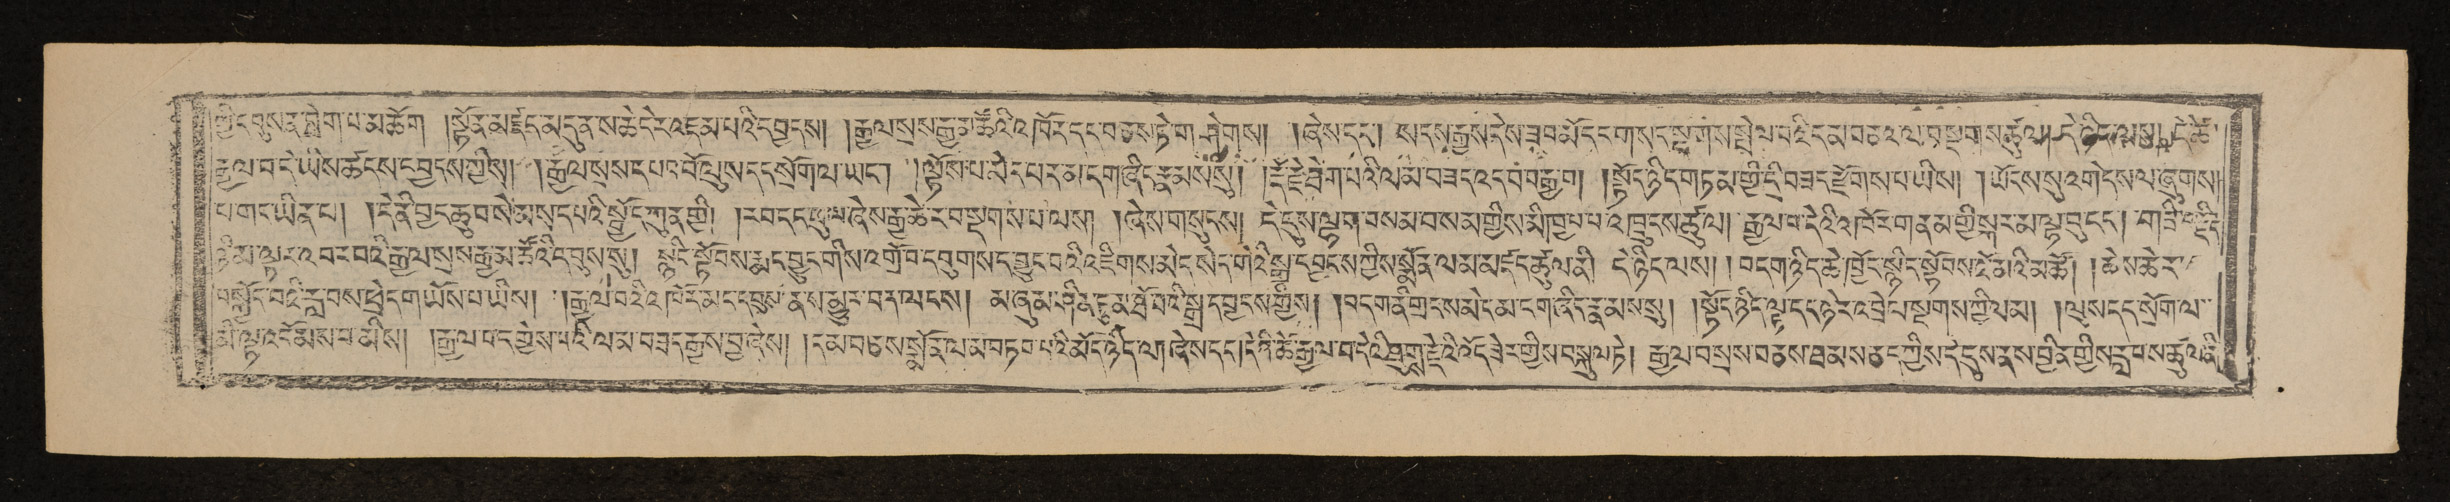གྱི་དབུས་ན་ཐེག་པ་མཆོག །སྟོན་མཛད་མདུན་ས་ཆེ་དེར་འཇམ་པའི་དབྱངས། །རྒྱལ་སྲས་རྒྱ་མཚོའི་འཁོར་དང་བཅས་ཏེ་གཤེགས། །ཞེས་དང་། སངས་རྒྱས་དེས་ཟབ་མོ་དང་གསང་སྔགས་སྤེལ་བའི་དམ་བཅའ་ལ་བསྔགས་ཚུལ། དེ་ཉིད་ལས། དེ་ཚེ་
རྒྱལ་བ་དེ་ཡིས་ཚངས་དབྱངས་ཀྱིས། །རྒྱལ་སྲས་དཔའ་བོ་ལུས་དང་སྲོག་ལ་ཡང་། །ལྟོས་པ་མེད་པར་མ་དག་ཞིང་རྣམས་སུ། །རྡོ་རྗེ་ཐེག་པའི་ལམ་བཟང་འདབ་བརྒྱ་བ། །སྟོང་ཉིད་གཏམ་གྱི་དྲི་བཟང་རྫོགས་པ་ཡིས། །ཡོངས་སུ་འགེངས་ལ་ཞུགས་
པ་གང་ཡིན་པ། །དེ་ནི་བྱང་ཆུབ་སེམས་དཔའི་སྦྱོང་ཀུན་གྱི། །རབ་དང་ཕུལ་ཞེས་རྒྱ་ཆེར་བསྔགས་པ་ལས། །ཞེས་གསུངས། དེ་དུས་ལྷག་བསམ་བསམ་གྱིས་མི་ཁྱབ་པ་འཁྲུངས་ཚུལ། རྒྱལ་པ་དེའི་འཁོར་གནམ་གྱི་སྐར་མ་ལྟ་བུ་དང་། གཟི་བརྗིད་
ཉི་མ་ལྟར་འབར་བའི་རྒྱལ་སྲས་རྒྱ་མཚོའི་དབུས་སུ། སྙིང་སྟོབས་རྨད་བྱུང་གིས་འགྲོ་བ་དབུགས་དབྱུང་བའི་འཇིགས་མེད་སེང་གེའི་སྒྲ་དབྱངས་ཀྱིས་སྨོན་ལམ་མཛད་ཚུལ་ནི། དེ་ཉིད་ལས། བདག་ཉིད་ཆེ་ཁྱོད་སྙིང་སྟོབས་འོ་མའི་མཚོ། །ཆེས་ཆེར་
བསྐྱོད་པའི་རླབས་ཕྲེང་གཡོས་པ་ཡིས། །རྒྱལ་བའི་འཁོར་མང་དབུས་ནས་མྱུར་བར་ལངས། །མ་ཞུམ་ཤིན་ཏུ་མཐོ་བའི་སྒྲ་དབྱངས་ཀྱིས། །བདག་ནི་གྲངས་མེད་མ་དག་ཞིང་རྣམས་སུ། །སྟོང་ཉིད་ལྟ་དང་ཉེར་འབྲེལ་སྔགས་ཀྱི་ལམ། །ལུས་དང་སྲོག་ལ་
མི་ལྟ་འདོམས་པ་ཡིས། །རྒྱལ་བ་དགྱེས་པའི་ལམ་བཟང་རྒྱས་བྱ་ཞེས། །དམ་བཅས་སྨོན་ལམ་བཏབ་པའི་མོད་ཉིད་ལ། ཞེས་དག་དེའི་ཚེ་རྒྱལ་བ་དེའི་ཐུགས་རྗེའི་འོད་ཟེར་གྱིས་བསྐུལ་ཏེ། རྒྱལ་བ་སྲས་བཅས་ཐམས་ཅད་ཀྱིས་དེ་དུས་ནས་བྱིན་གྱིས་རླབས་ཚུལ་ནི་